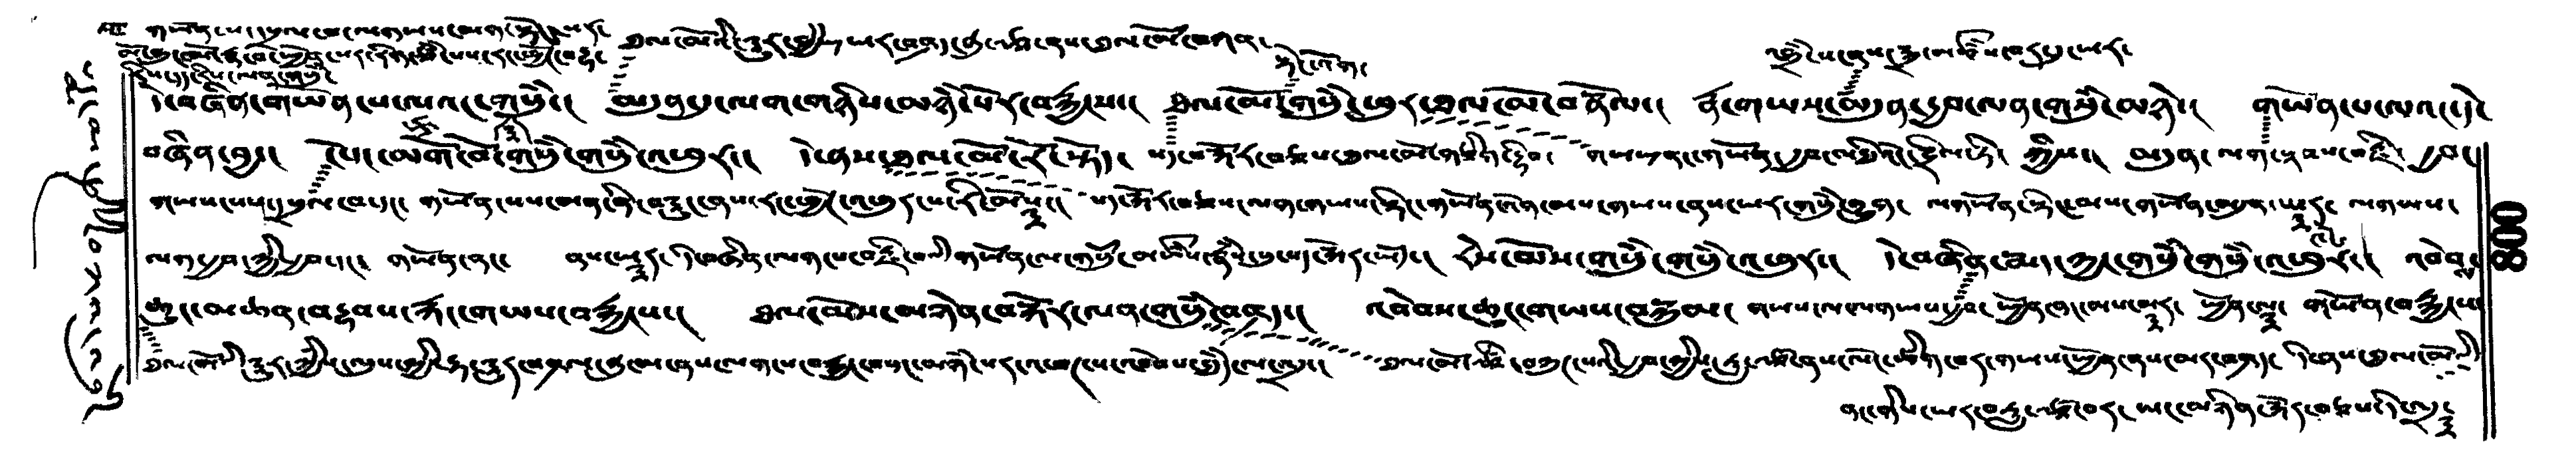།དེ་བཞིན་གཡོན་པ་ལའང་གསུམ། །མདུན་དུ་ལག་གཉིས་མཉམ་པོར་བརྐྱང་། །ཐལ་མོ་གསུམ་ཕུར་ཐལ་མོ་བསྣོལ། །རྣ་གཡས་མདུན་རྒྱབ་ལན་གསུམ་མཉེ། །གཡོན་པ་ལའང་དེ་
བཞིན་བྱ། །ངོ་དང་མགོ་བོ་གསུམ་གསུམ་འཕུར། །དེ་ནས་ཐལ་མོ་རོ་སྟོད་
ཀྱིས། །མདུན་རྒྱབ་རེས་མོས་གསུམ་གསུམ་འཕུར། །དེ་བཞིན་སྨད་ཀྱང་གསུམ་གསུམ་འཕུར། །འབེབས་
ཆུང་མཆན་བརྡབ་རྐང་གཡས་བརྐྱངས། །ཐལ་མོས་མཉེན་བསྐོར་ལན་གསུམ་བཤད། །འབེབས་ཆུང་གཡས་བསྐུམ་གཡོན་བརྐྱང་